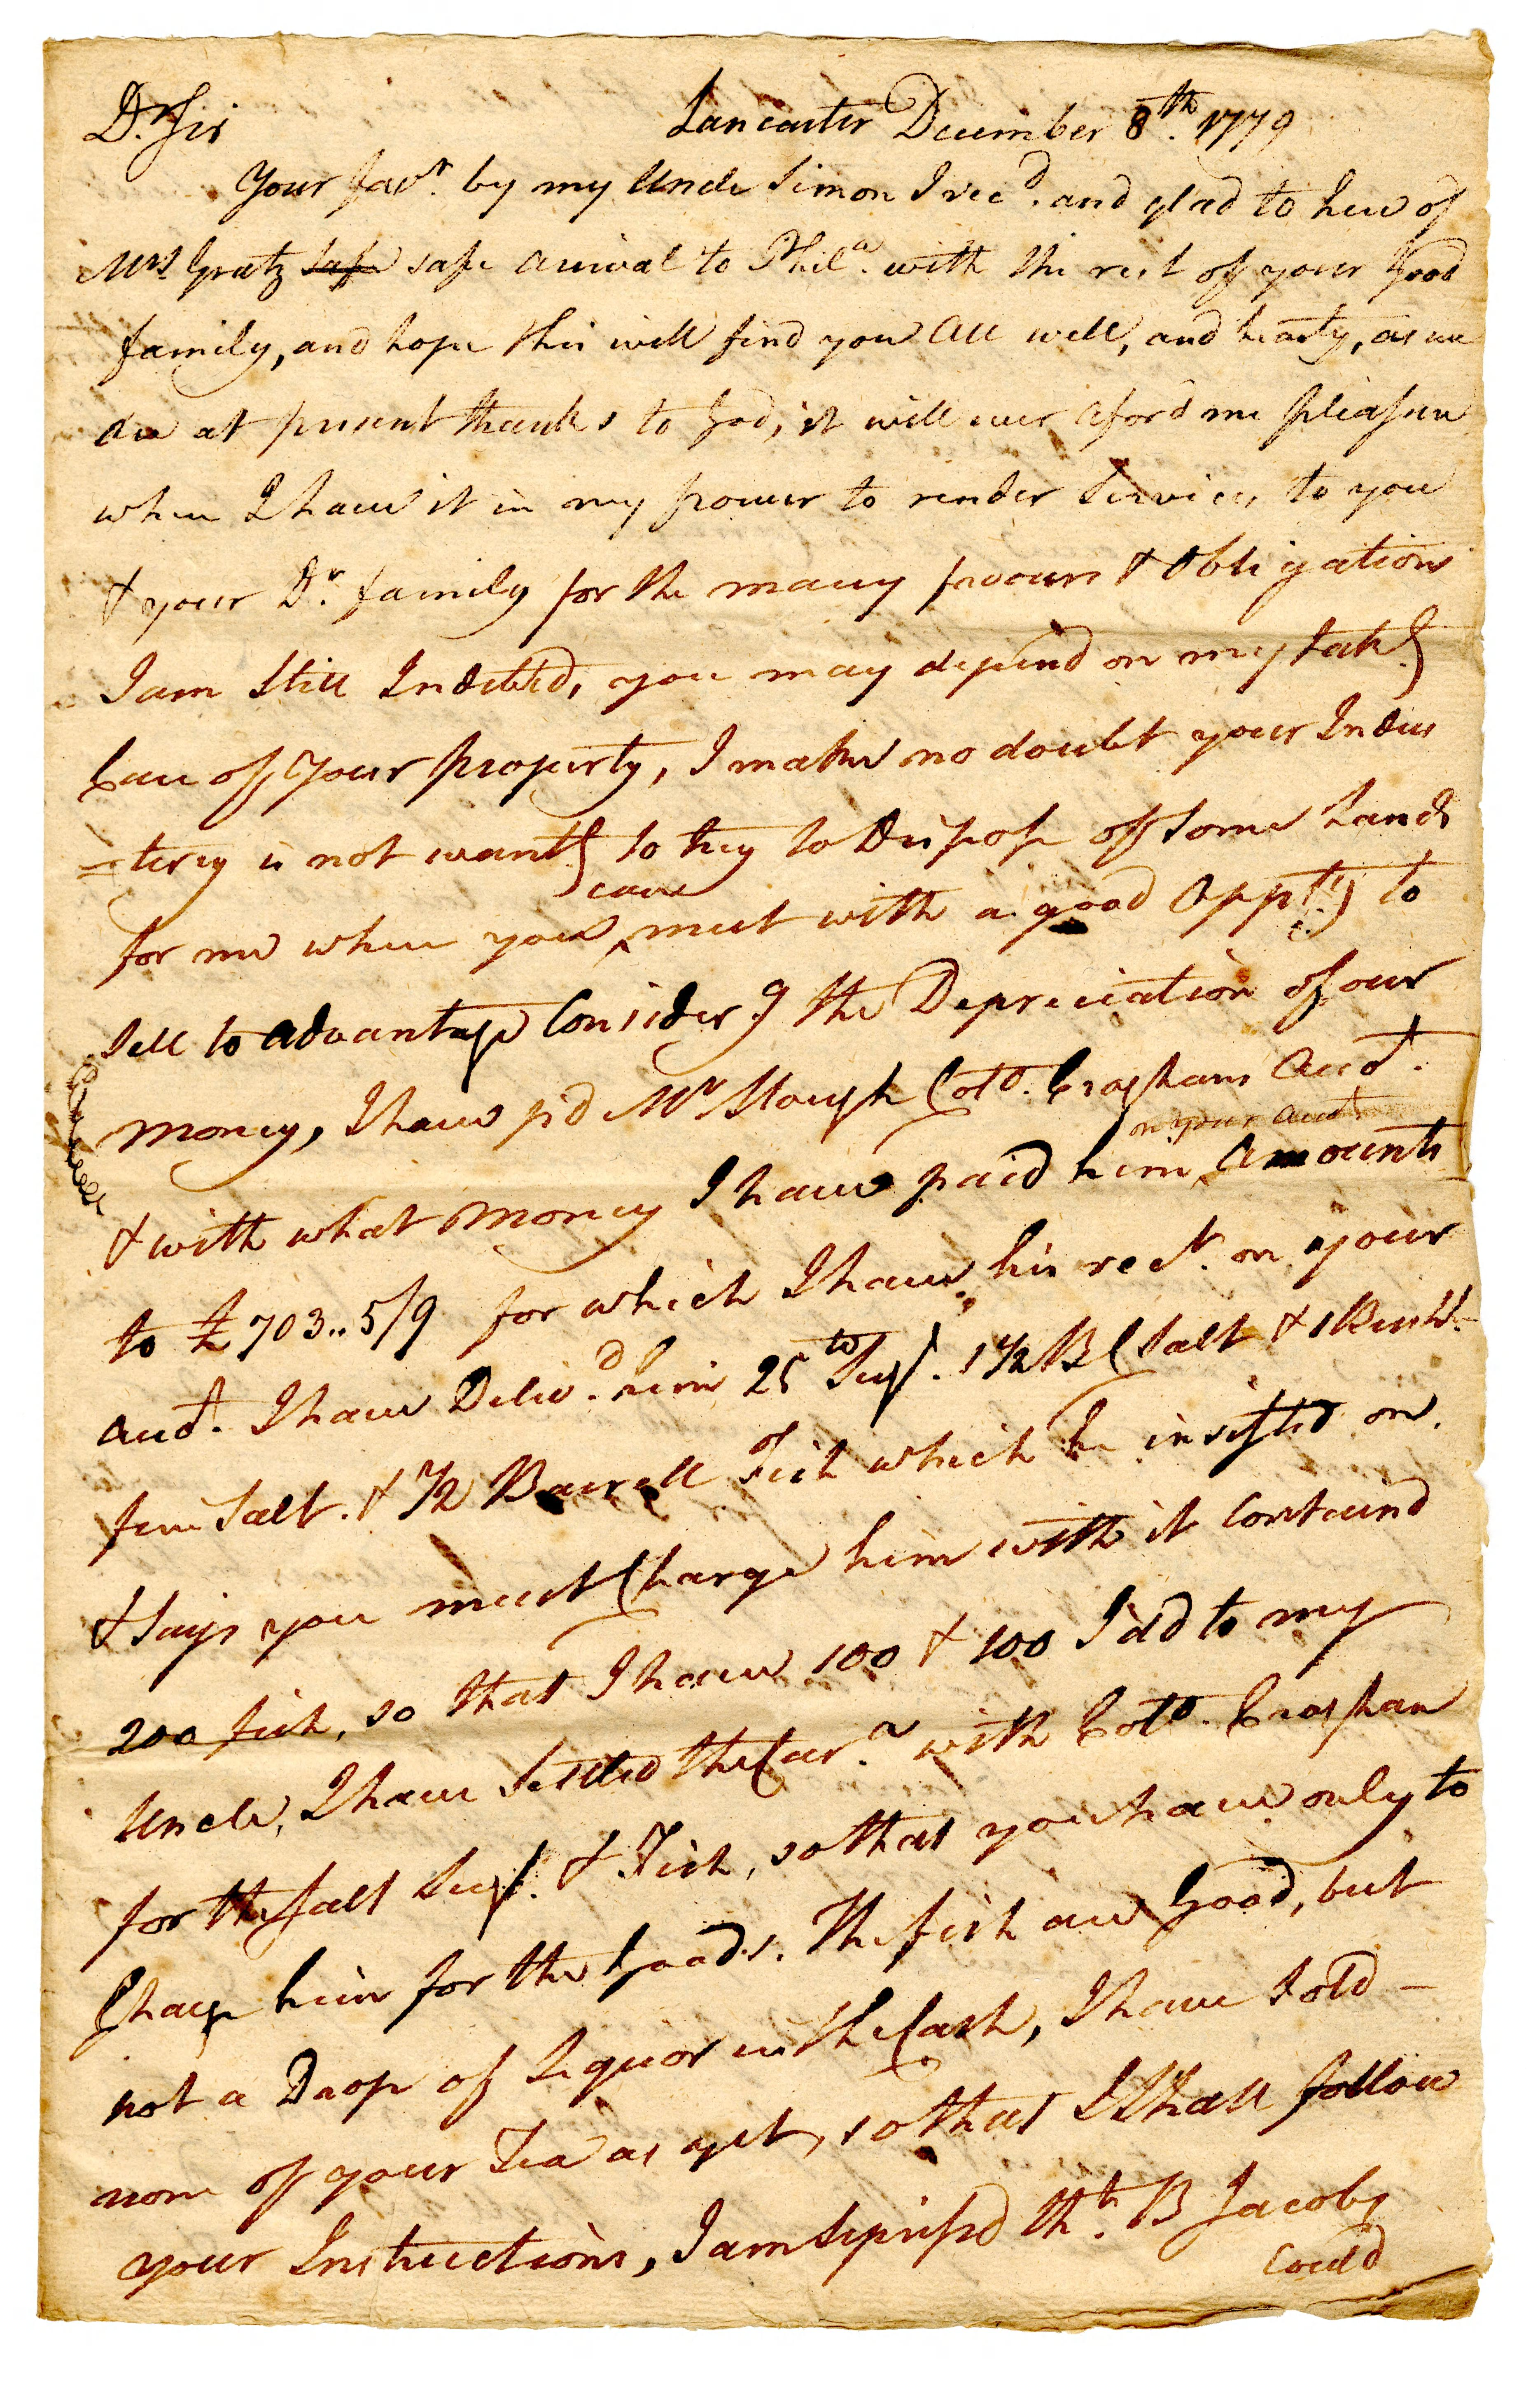Lancaster December 8^th. 1779
D^r. Sir
Your fav^r. by my Uncle Simon I rec^d. and glad to here of
M^r Gratz [Safe] safe arrival to Phil^a. with the rest of your good
family, and hope this well find you all well, and hearty, as are
are at present thanks to god, it will ever aford me pleasure
when I have it in my power to render Service to you
& your D^r. family for the many favors & obligations
I am Still Indebted, you may depend on my tak^g.
have of your property, I make no doubt your Indus-
-terey is not wants to try to Dispose off some Land
for me where you ^ meet with a good Opp^ty. to
can
sell to advantage Consider^g the Depreciation of our
money, I have p'd M^r. Mayh Col^o. Croghans Acco^t
on your Acco^t.
& with what money I have paid him ^ Amounts
to £703.. 5s9 for which I have his rec^t. in your
aud^t. I have Deliv^d. him 25 ^lb Sug^r. 1 1/2 lb Cloth & 1 Burell
for salt & y2 Barrell Fish which he insist'd on
& says you must Charge him with it contain'd
20o fish, so that I have 100 & 100 I ad to my
senew, I have settled the Car^a. with Col^o Croghan
for the salt Sug^r. & fish, so that you have only to
Charge him for the Goods. The fish are Good, but
not a Drop of Liquor with cash, I have sold-
none of your Tea as yet, so that I shall follow
your Instructions I am supris'd th^t. B Jacobs
could